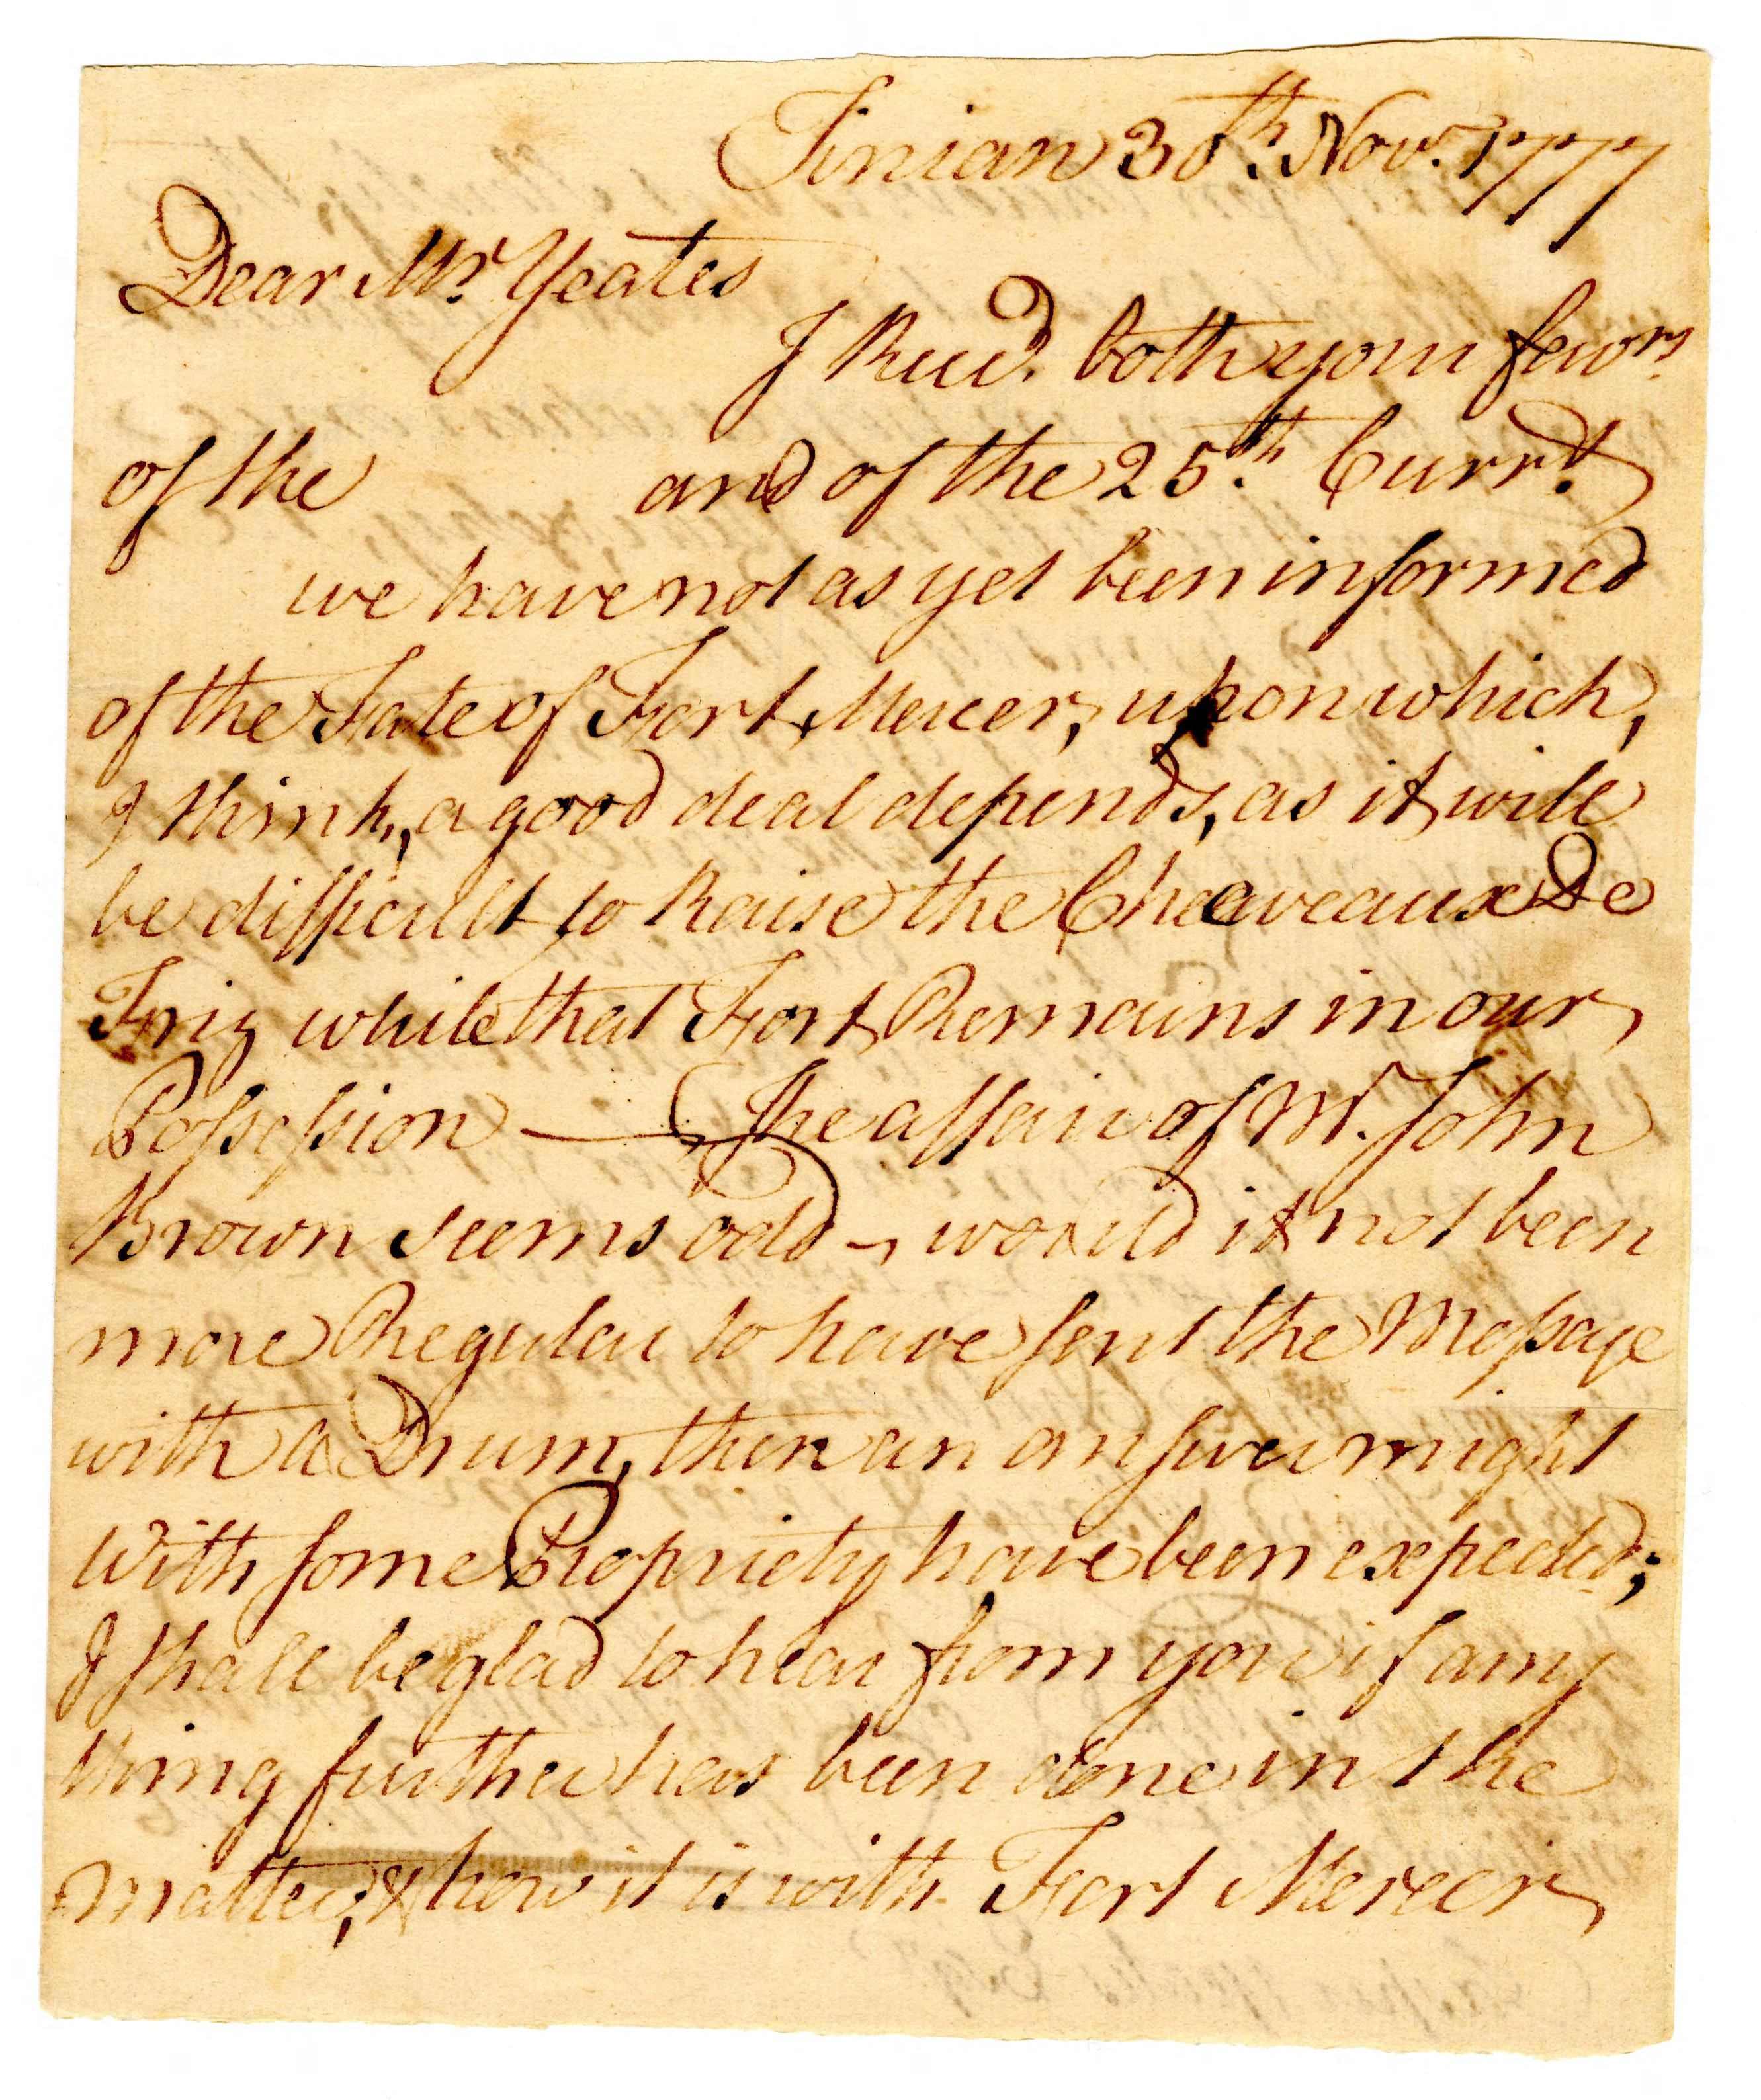Tinian 30^th Nov^r. 1777
Dear M^r. Yeates
I Rece^d. both your fav^rs
of the
and of the 25^th. Curr^t.
we have not as yet been informed
of the State of Fort Mercer, upon which,
I think, a good deal depends, as it will
be difficult to Raise the Cheaveauxe De
Friz while that Fort Remains in our
Possession- The affair of M^r. John
Brown seems cold- would it not been
more Regular to have sent the Message
with a Drum, then an answer might
With some Propriety have been expected;
I shall be glad to hear from you if any
thing further has been done in the
Matter; & here it is with Fort Mercer